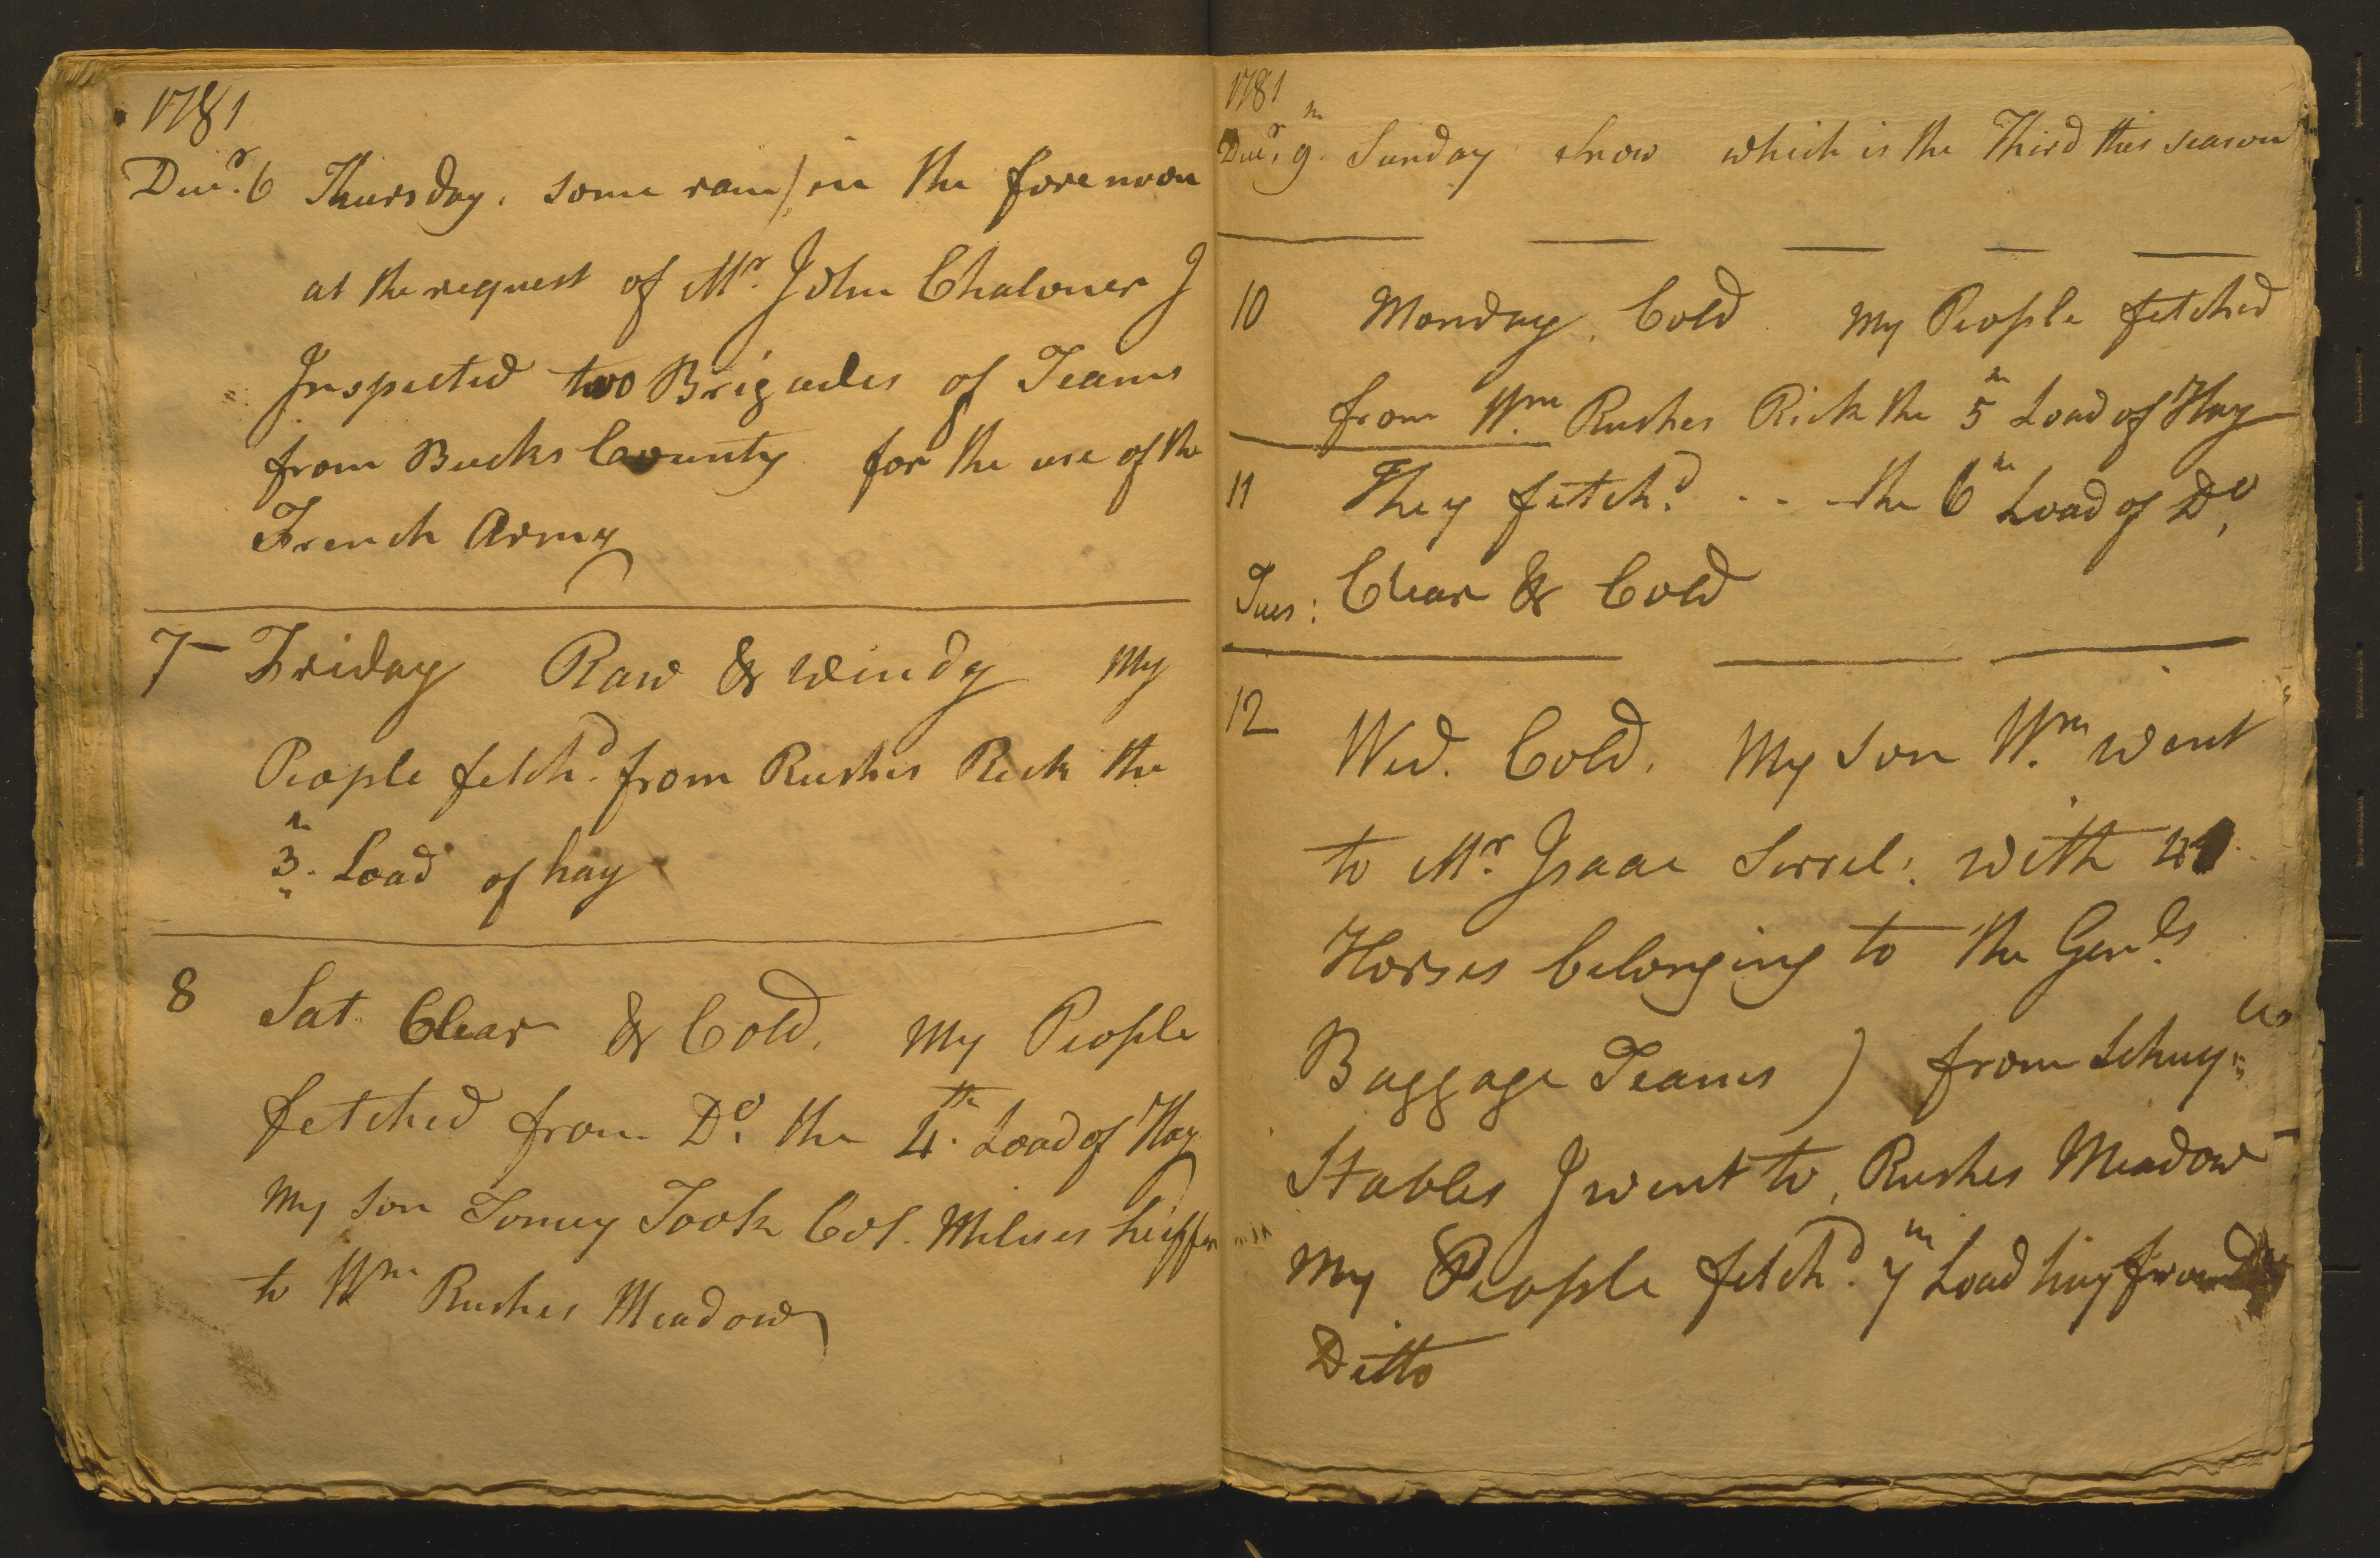1781
Dec^r. 6 Thursday. some rain) in the forenoon
at the request of M^r. John Chaloner I
Inspected two Brigades of Teams
from Bucks County for the use of the
French Army
7 Friday Raw & windy My
People fetch^d. from Rushes Rick the
3^h. Load of hay
8 Sat. Clear & Cold. My People
fetched from D^o. the 4^th. Load of Hay
My Son Tomey Took Col. Mileses heiffer
to W^m Rushes Meadow
1781
Dec^r. 9^th Sunday Snow which is the Third this season
10 Monday. Cold My People fetched
from W^m. Rushes Rick the 5^h Load of Hay
11 They fetch^d. .. the 6^th Load of D^o.
Tues Clear & Cold
12
Wed. Cold. My Son W^m. Went
to M^r. Isaac Serrel, with 41
Horses belonging to the Gen^l
Baggage Teams) from Schuy:^ll
Stables I went to Rushes Meadow
my People fetch^d. 7^th Load hay from
Ditto